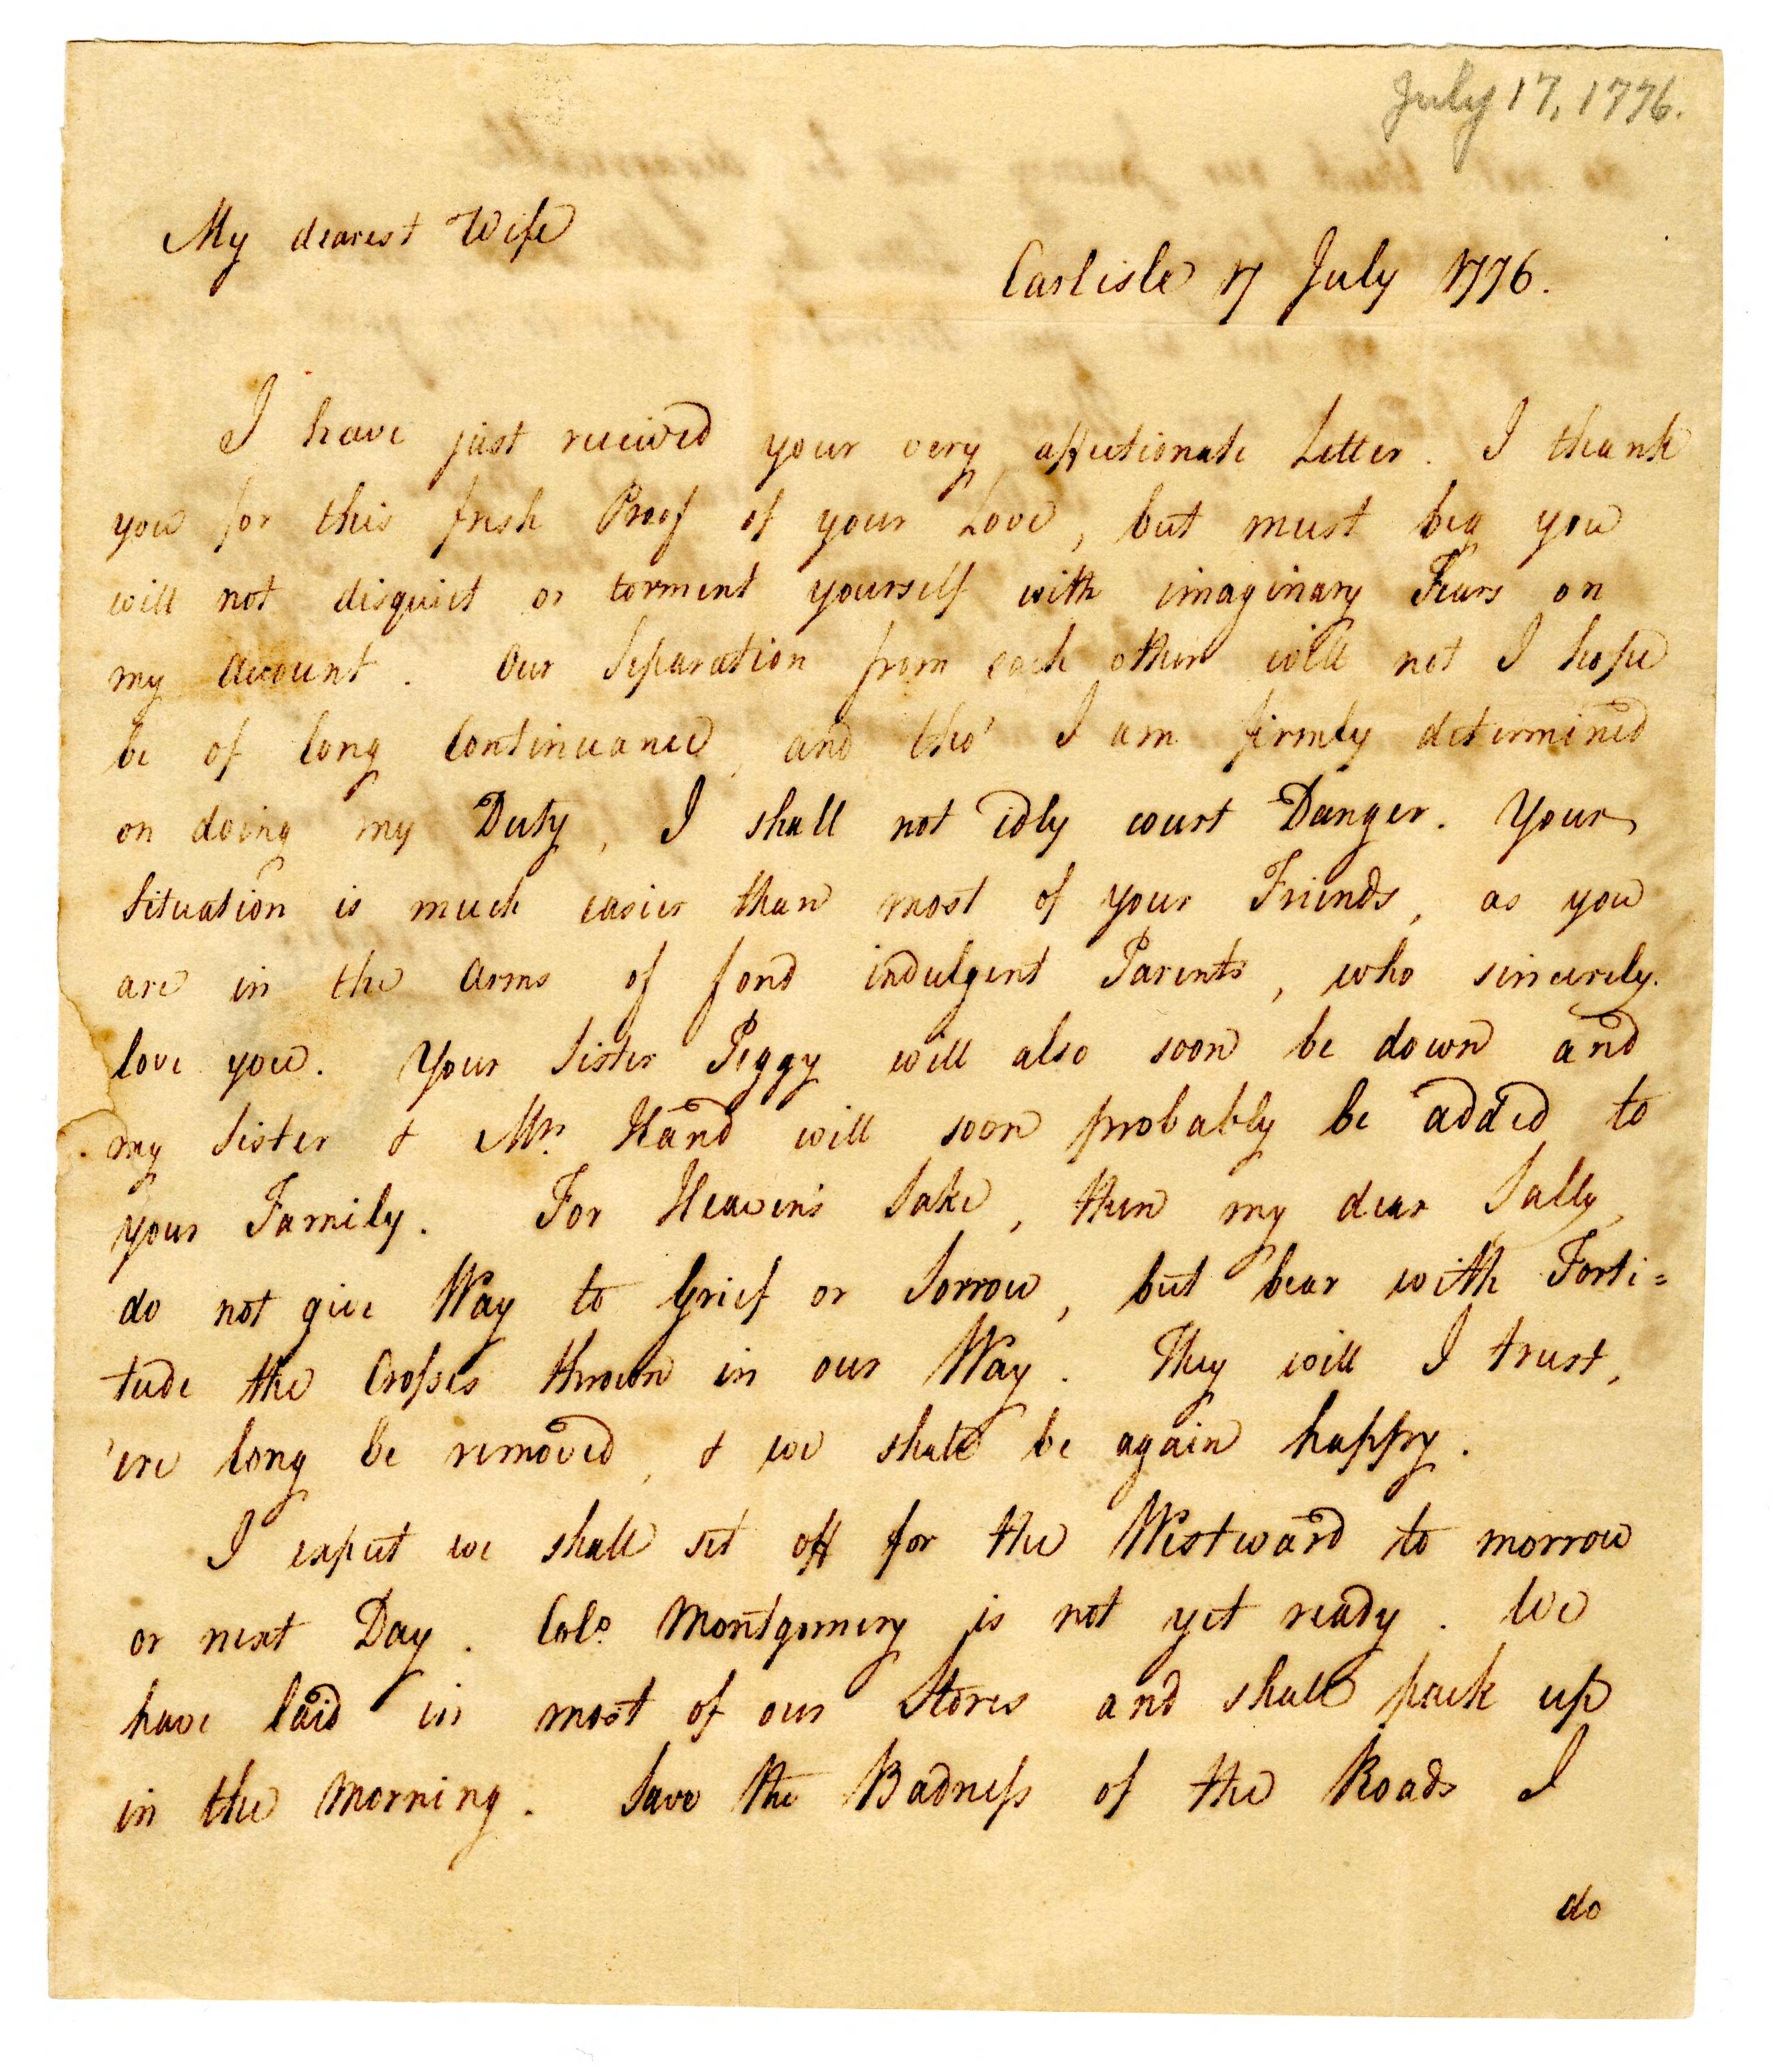Carlisle 17 July 1776.
My dearest Wife
I have just received your very affectionate Letter. I thank
you for this fresh Proof of your Love, but must beg you
will not disquiet or torment yourself with imaginary Fears on
my account. Our separation from each other will not I hope
be of long Continuance and tho' I am firmly determined
on doing my Duty, I shall not idly court Danger. Your
Situation is much easier than most of your Friends, as you
are in the Arms of fond indulgent Parents, who sincerely
love you. Your Sister Peggy will also soon be down and
my Sister & M^rs. Hand will soon probably be added to
your Family. For Heaven's Sake, then my dear Sally
do not give Way to Grief or Sorrow, but bear with Forti-
tude the Crosses thrown in our Way. They will I trust
ere long be removed & we shall be again happy.
I expect we shall set off for the Westward to morrow
or next Day. Col^o Montgomery is not yet ready. We
have laid in most of our Stores and shall pack up
in the morning. Save the Badness of the Roads I
do